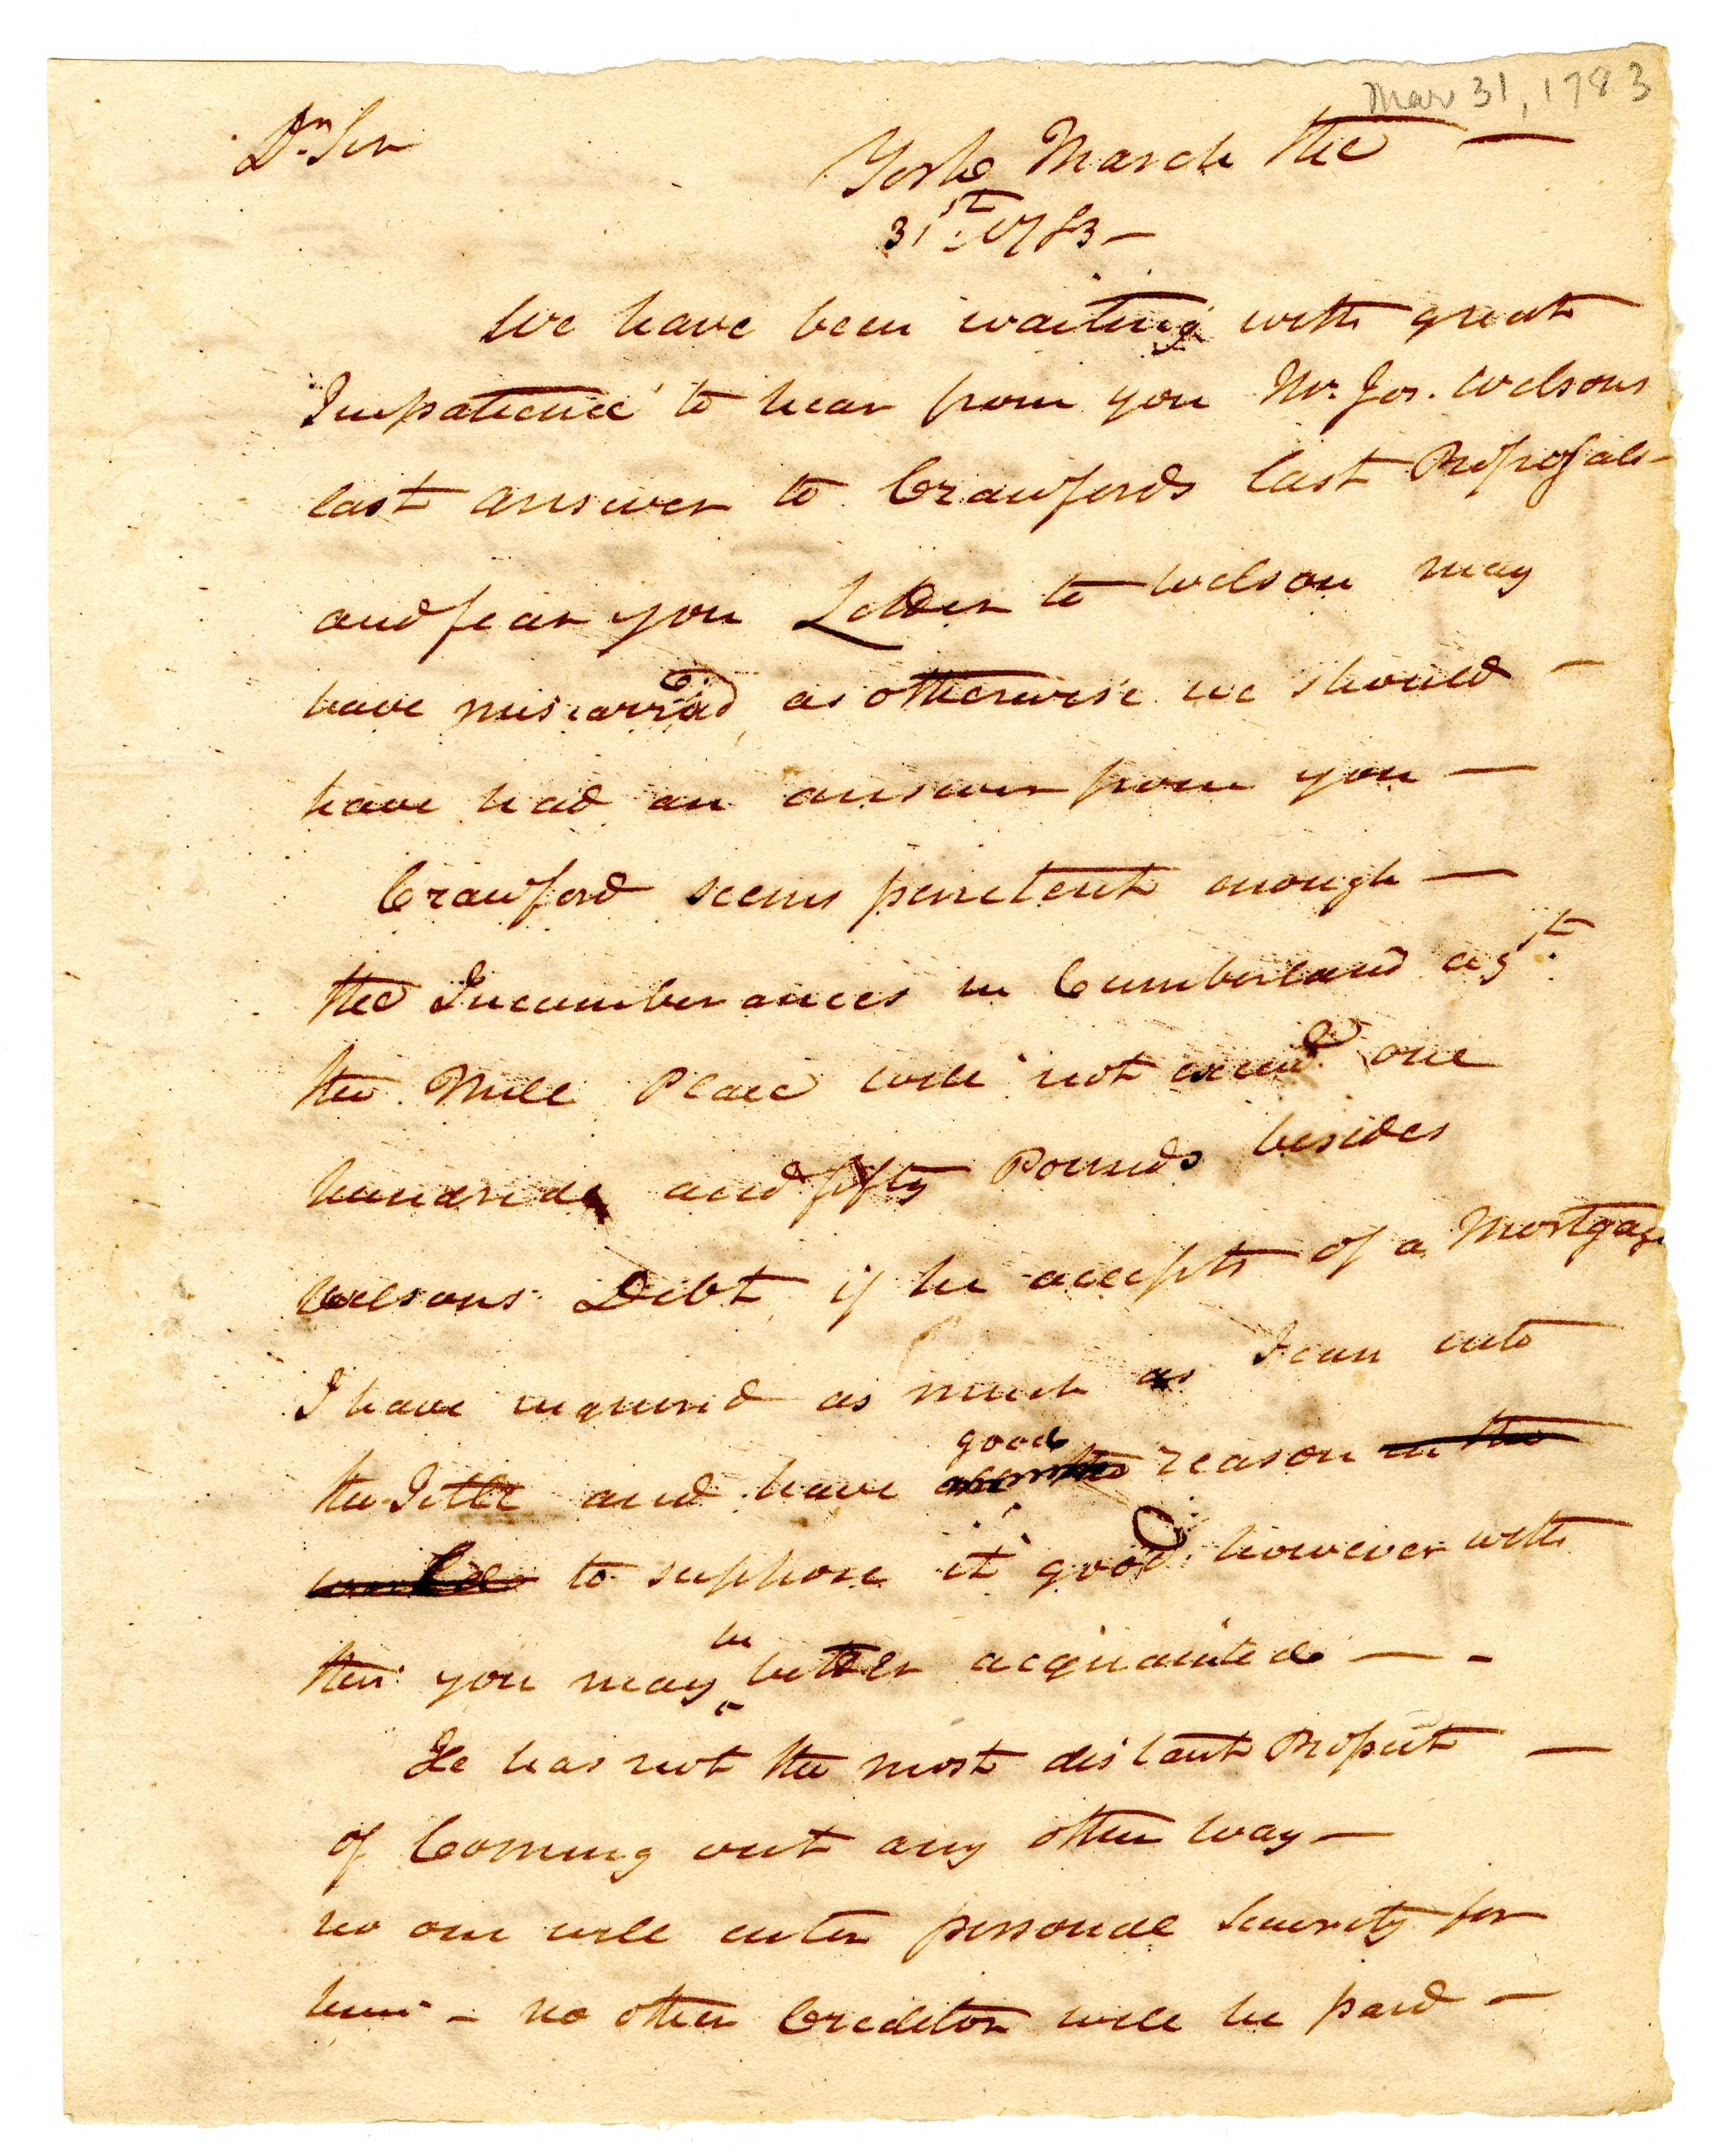York March the
31^st 1783
D^r Sir
we have been waiting with great
Impatience to hear from you M^r. Jos. Wilsons
last answer to Crawfords last Proposals
and fear your Letter to Wilson may
have miscarried as otherwise we should
have had an answer from you
Crawford seems paitent enough
the Incumberances in Cumberland ag^t
the Mill Place will not exceed one
hundred accd fifty Pounds besides.
Wilsons Debt if he accepts of a Mortgage
I have inquired as much & I can act
good
to setle and leave [accomts] reason [in the]
[________] to suppose it good however with
be
then you may ^ better acquainted
He has not thee most distant Prospect
of Coming out any other way
[__] our will enter personal Security for
him- no other Creditor will be paid